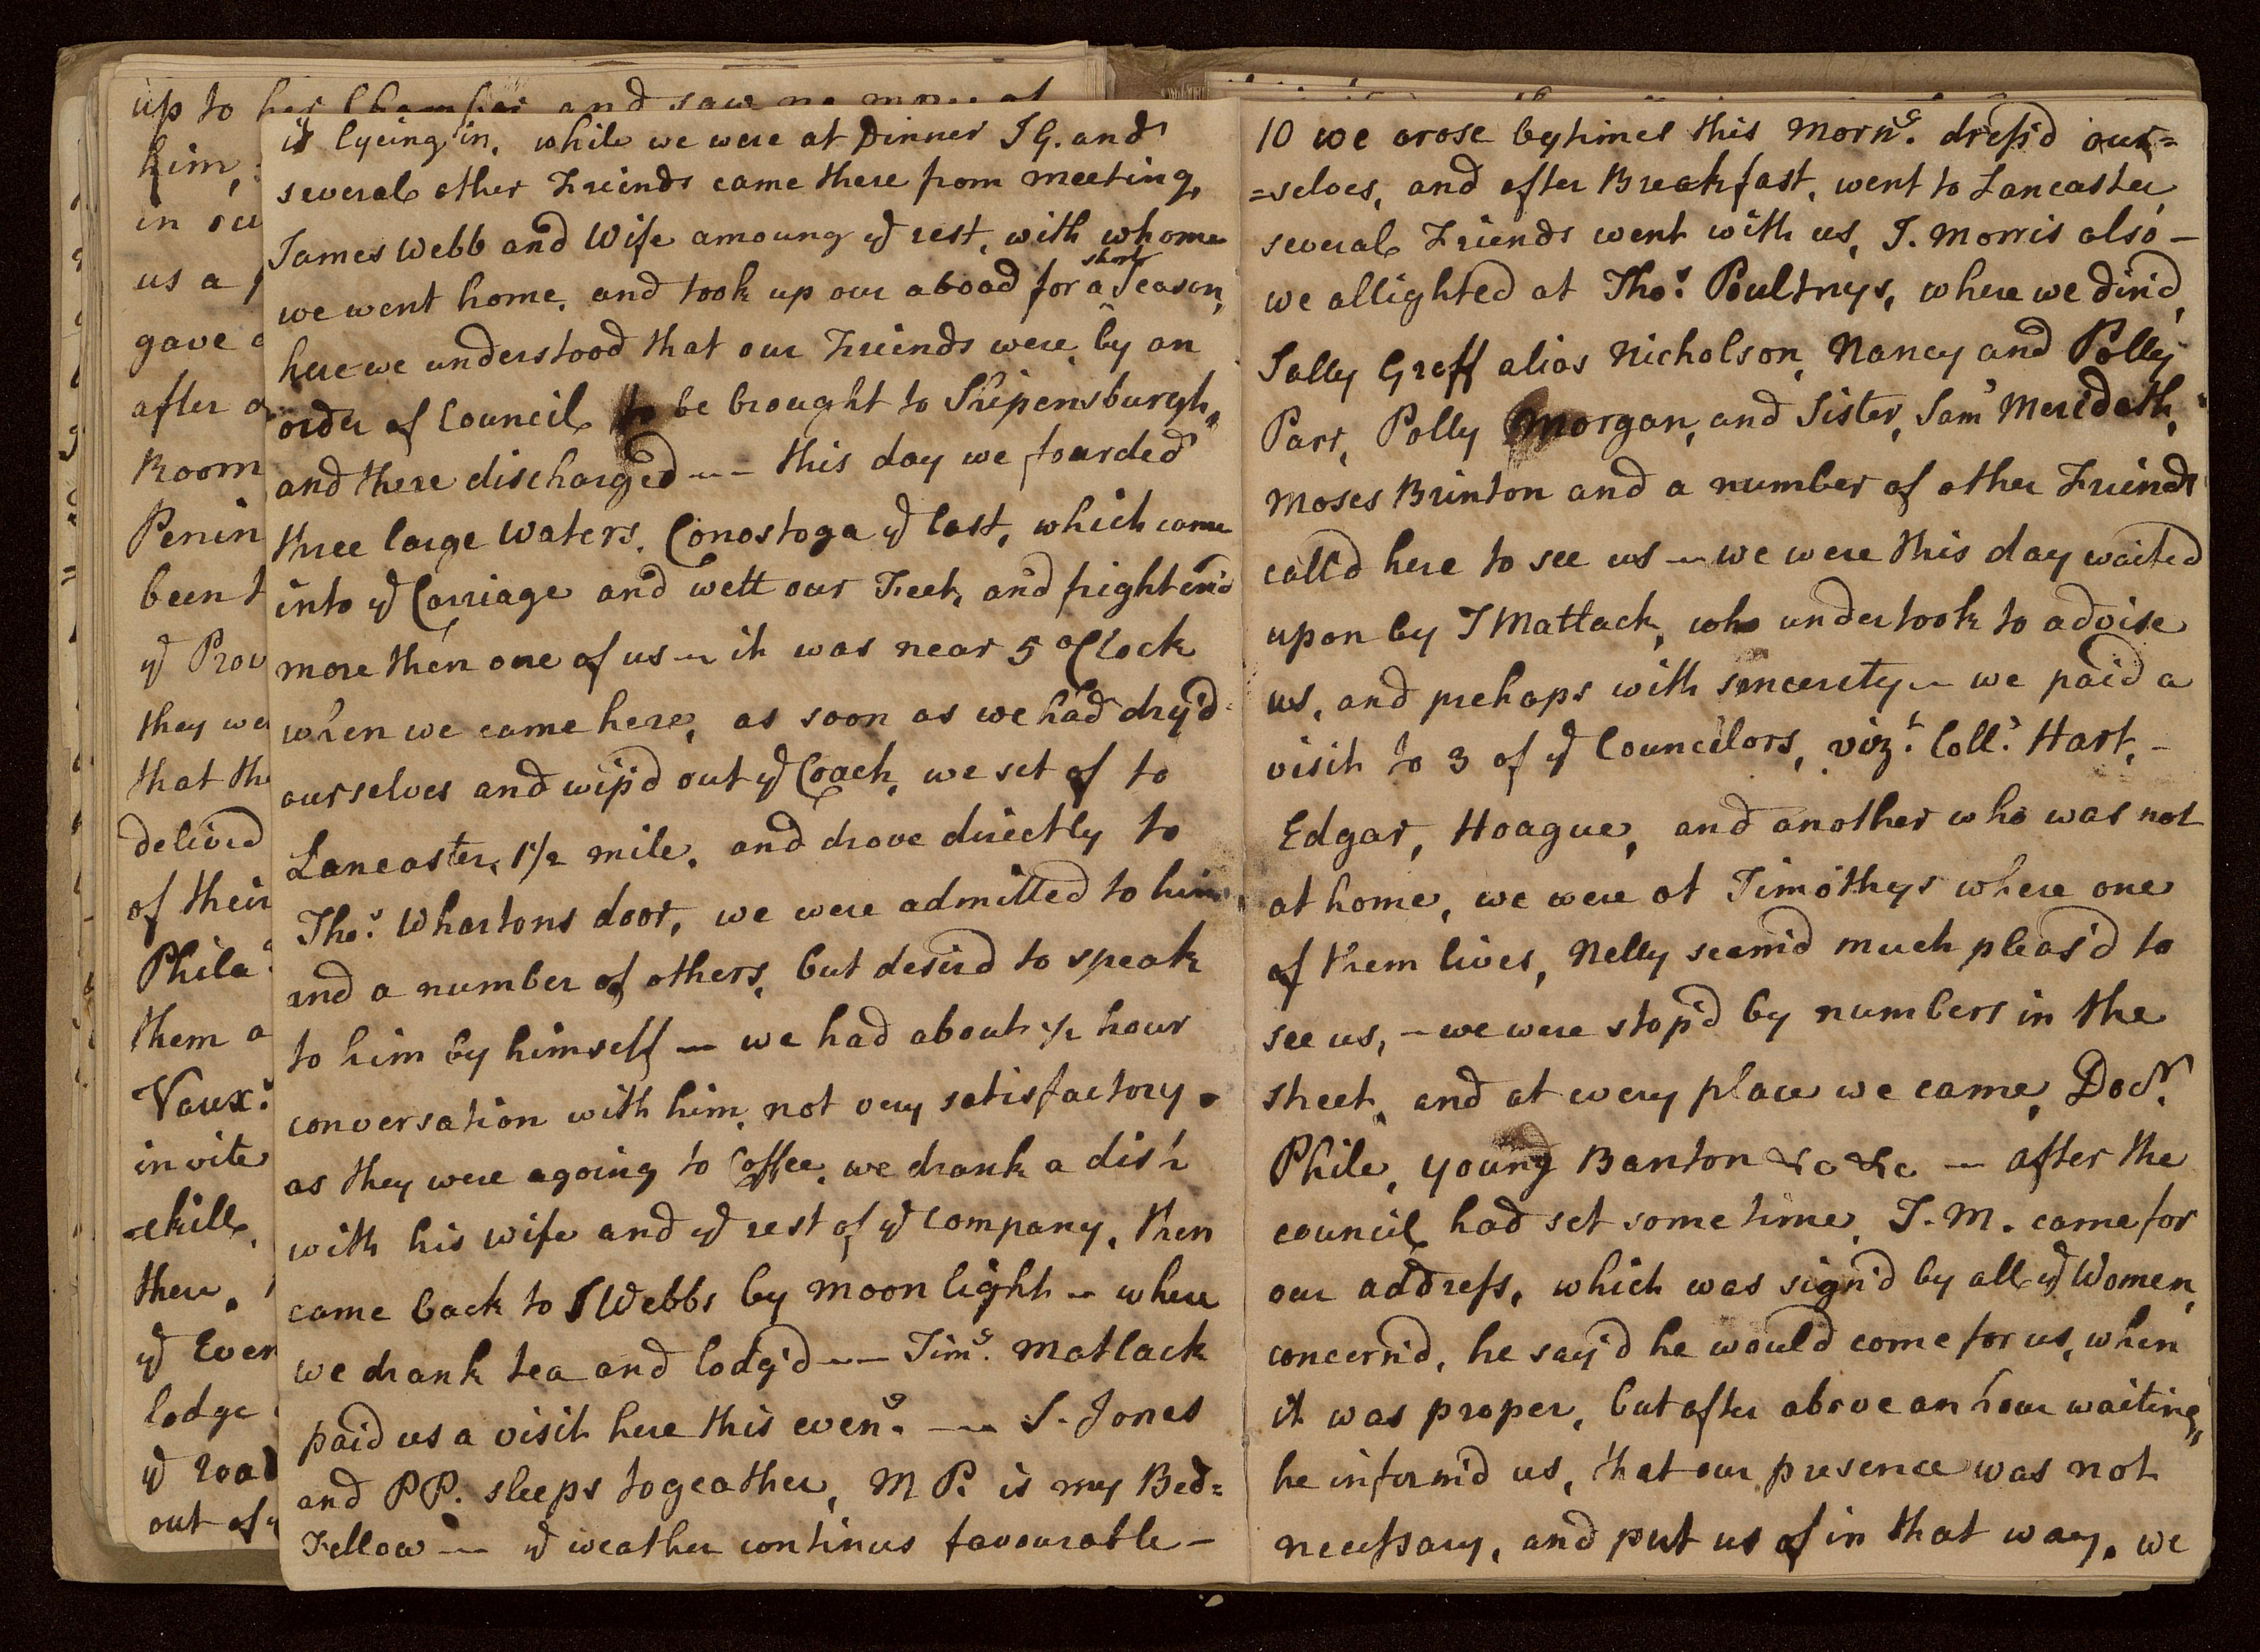it lyeing in, while we were at Dinner S G. and
several other Friends came there from meeting,
James Webb and Wife amoung y^e rest, with whome
short
we went home, and took up our aboad for a ^ Season
here we understood that our Friends were by an
order of council to be brought to Shipensburgh,
and there discharged-- this day we foarded
three large waters. Conostoga y^e last, which came
into y^e Carriage and wett our Feet and frighten'd
more then one of us- it was near 5 ^o Clock
when we came here, as soon as we had dry'd
ourselves and wip'd out y^e Coach, we set of to
Lancaster, 1/2 mile, and drove directly to
Tho^s. Whartons door, we were admitted to him.
and a number of others but desird to speak
to him by himself- we had abouts 1/2 hour
conversation with him not very satisfactory.
as they were agoing to Coffee. we drank a dish
with his wife and y^e rest of y^e company, then
came back to S Webbs by moon light- where
we drank tea and lodg'd-- Tim^y. Matlack
paid us a visit here this even^g.- S. Jones
and PP. sleeps togeather, M P. is my Bed-
Fellow- y^e weather continus favourable-
10 we arose by times this morn^g. dress'd out-
-selves, and after Breakfast, went to Lancaster,
several Friends went with us, I. Morris also-
we allighted at Tho^s. Poultnys, where we din'd,
Sally Groff alias Nicholson, Nancy and Polly
Part, Polly Morgan, and Sister, Sam^l Merideth,
Moses Brinton and a number of other Friends
call'd here to see us- we were this day waited
upon by T Matlack, who undertook to advise
us, and prehaps with sincerity- we paid a
visit to 3 of y^e Councilors, viz^t. Coll^l. Hart.-
Edgar, Hoague, and another who was not
at home, we were at Timothys where one
of them lives, Nelly seam'd much pleas'd to
see us,- we were stop'd by numbers in the
street, and at every place we came Doc^r.
Phile, young Banton &c &c- after the
council had set some time, T. M. came for
our address, which was sign'd by all y^e women,
concern'd, he say'd he would come for us, when
it was proper, but after above an hour waiting,
he inform'd us, that our presence was not
necessary, and put us of in that way, we